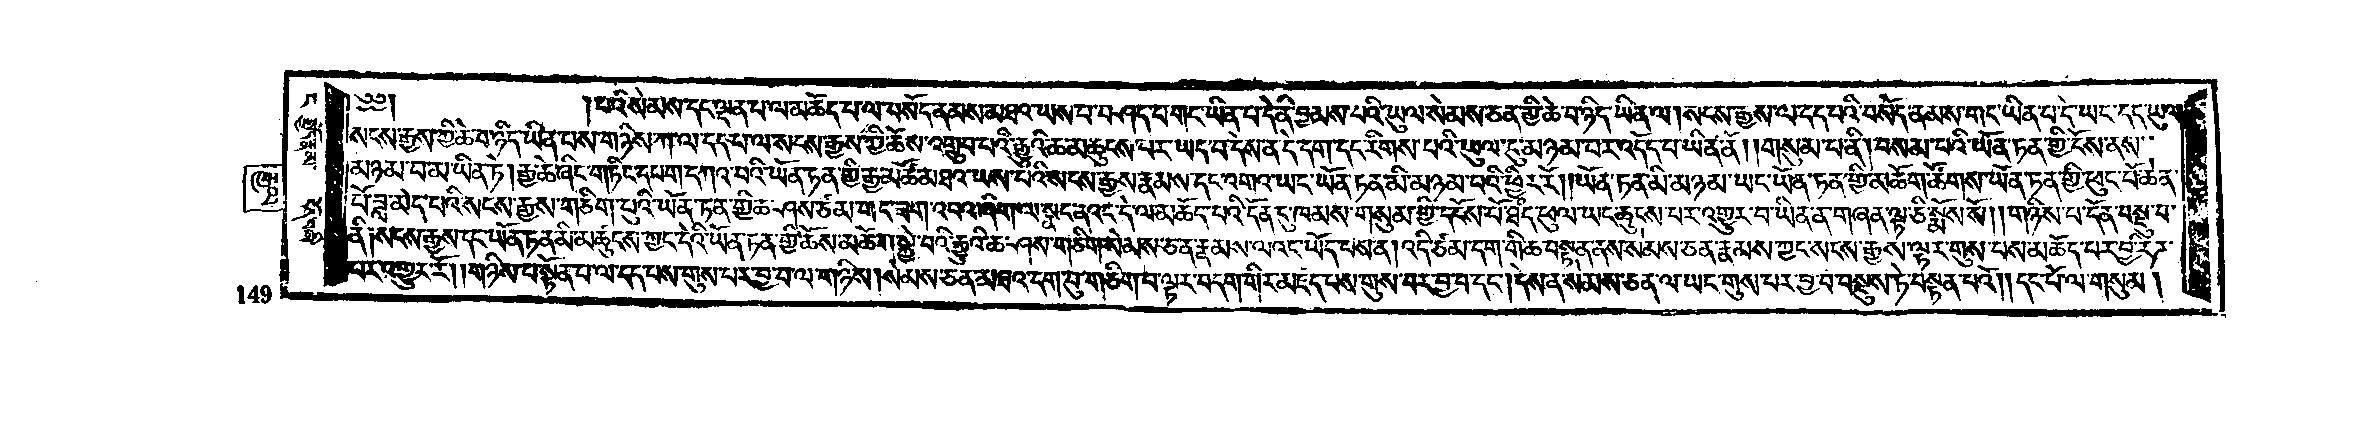༄༅། །པའི་སེམས་དང་ལྡན་པ་ལ་མཆོད་པ་ལ་བསོད་ནམས་མཐའ་ཡས་པ་བཤད་པ་གང་ཡིན་པ་དེ་ནི་བྱམས་པའི་ཡུལ་སེམས་ཅན་གྱི་ཆེ་བ་ཉིད་ཡིན་ལ། སངས་རྒྱས་ལ་དད་པའི་བསོད་ནམས་གང་ཡིན་པ་དེ་ཡང་དད་ཡུལ་
སངས་རྒྱས་ཀྱི་ཆེ་བས་ཉིད་ཡིན་པས་གཉིས་ཀ་ལ་དད་པ་ལ་སངས་རྒྱས་ཀྱི་ཆོས་འགྲུབ་པའི་རྒྱུའི་ཆ་མཚུངས་པར་ཡོད་པར་དེས་ན་དེ་དག་དང་རིགས་པའི་ཡུལ་དུ་མཉམ་པར་འདོད་པ་ཡིན་ནོ། །གསུམ་པ་ནི། བསམ་པའི་ཡོན་ཏན་གྱི་ངོས་ནས་
མཉམ་པ་མ་ཡིན་ཏེ། རྒྱ་ཆེ་ཞིང་གཏིང་དཔག་དཀའ་བའི་ཡོན་ཏན་གྱི་རྒྱ་མཚོ་མཐའ་ཡས་པའི་སངས་རྒྱས་རྣམས་དང་འགའ་ཡང་ཡོན་ཏན་མི་མཉམ་པའི་ཕྱིར་རོ། །ཡོན་ཏན་མི་མཉམ་ཡང་ཡོན་ཡན་གྱི་མཆོག་ཚོགས་ཡོན་ཏན་གྱི་ཕུང་པོ་ཆེན་
པོ་ཟླ་མེད་པའི་སངས་རྒྱས་གཅིག་པུའི་ཡོན་ཏན་གྱི་ཆ་ཤེས་ཙམ་གང་ཟག་འབའ་ཞིག་ལ་སྣང་ནའང་དེ་ལ་མཆོད་པའི་དོན་དུ་ཁམས་གསུམ་གྱི་དངོས་པོ་ཐམས་ཅད་ཕུལ་ཡང་ཚུངས?་པར་འགྱུར་བ་ཡིན་ན་གཞན་ལྟ་ཅི་སྨོས་སོ། །གཉིས་པ་དོན་བསྡུ་བ་
ནི༑ སངས་རྒྱས་དང་ཡིན་ཏན་མི་མཚུངས་ཀྱང་དེའི་ཡོན་ཏན་གྱི་ཆོས་མཆོག་སྐྱེ་བའི་རྒྱུའི་ཆ་ཤེས་གཅིག་སེམས་ཅན་རྣམས་ལའང་ཡོད་པས་ན། འདི་ཙམ་དག་གི་ཆ་བསྟན་ནས་སེམས་ཅན་རྣམས་ཀྱང་སངས་རྒྱས་ལྟར་གུས་པས་མཆོད་པར་བྱ་རིགས་
པར་འགྱུར་རོ། །གཉིས་པ་སྟོན་པ་ལ་དད་པས་གུས་པར་བྱ་བ་ལ་གཉིས། སེམས་ཅན་མཐའ་དག་བུ་གཅིག་པ་ལྟར་བདག་གིར་མཛད་པས་གུས་པར་བྱ་བ་དང་། དེས་ན་སེམས་ཅན་ལ་ཡང་གུས་པར་བྱ་བ་བསྡུས་ཏེ་བསྟན་པའོ། །དང་པོ་ལ་གསུམ།